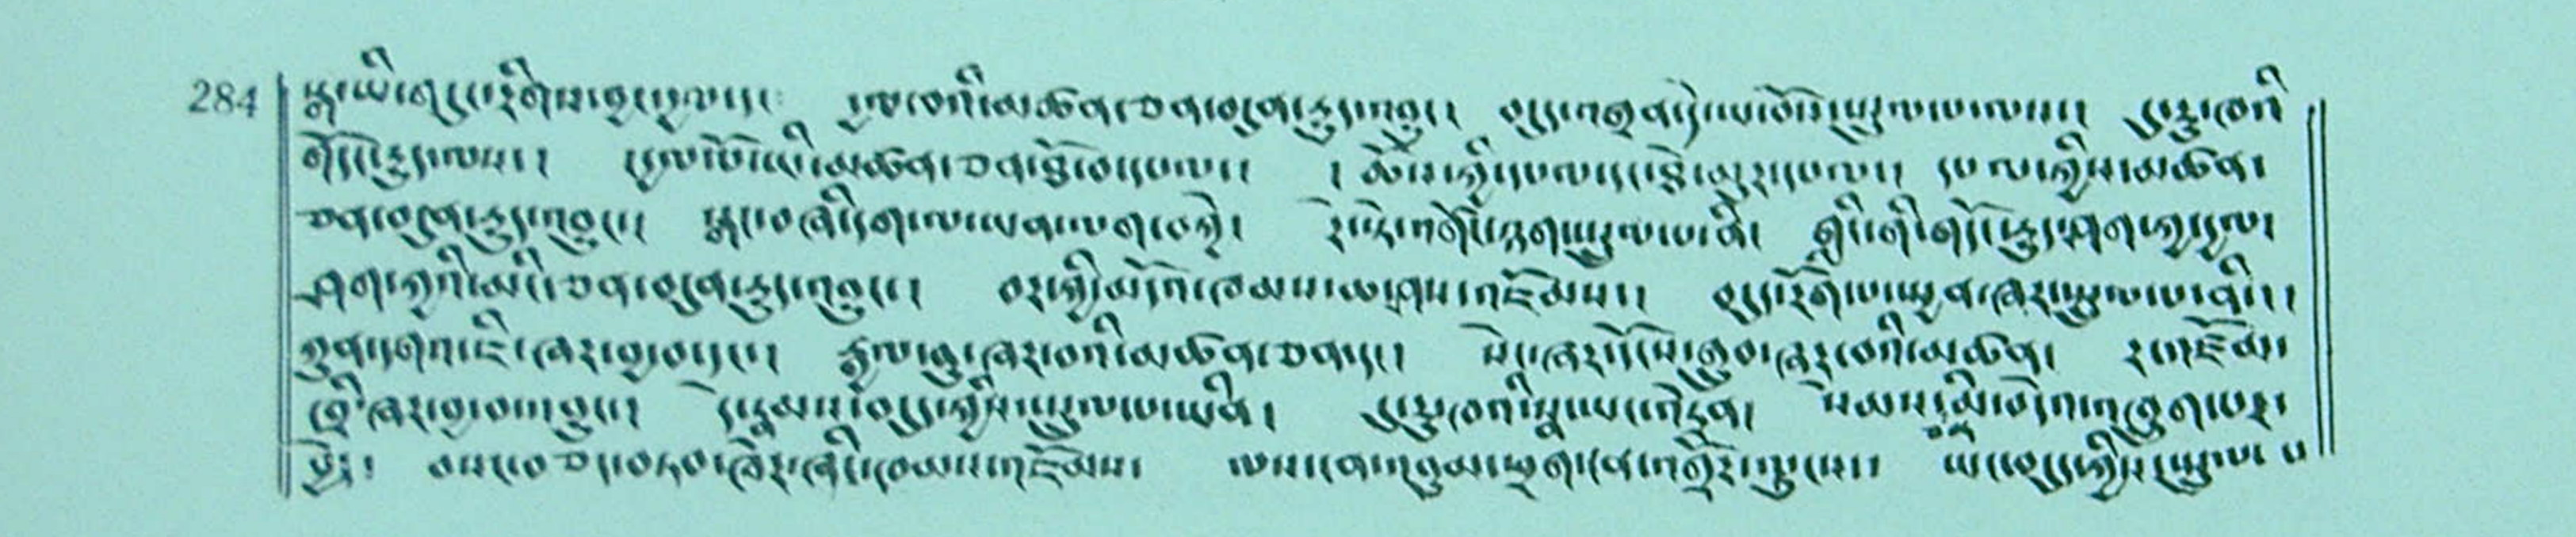སྒ་ཡི་གདུང་རིགས་བྱང་རྒྱལ་དང་། རྒྱལ་བའི་མཚན་ཅན་བདུན་རྒྱུད་འབྱུང་། བདུད་འགྲན་དེ་ཡ་བོའི་སྤྲུལ་པ་ལས། དུ་རུ་ཀ་ཡི་
གདོང་རྒྱུད་ལས། རྒྱལ་བོའི་མཚན་ཅན་ཐོ་བ་དཔལ། ཆོས་ཀྱི་དཔལ་དང་ཐེ་མུར་དཔལ། དཔལ་གྱི་མཚན་
ཅན་བདུན་རྒྱུད་འབྱུང་། སྒང་བཞི་དག་ལ་ཡན་ལག་བཀྱེ། རེ་སྟེ་འགོང་ཉག་སྤྲུལ་པ་ནི། གླིང་གི་གདུང་རྒྱུད་ཤག་ཀྱ་རྒྱལ། 
ཤག་ཀྱའི་མིང་ཅན་བདུན་རྒྱུད་འབྱུང་། བར་གྱི་མདོ་ཁམས་ཆ་ཤས་འཇོམས། བདུད་རོག་པ་སྤྱན་ཞར་སྤྲུལ་པ་ནི། 
ཀུན་དགའ་ཇི་ཞར་བྱ་བ་འབྱུང་། རྒྱལ་བུ་ཞར་བའི་མཚན་ཅན་འབྱུང་། སེང་ཞར་དངོས་གྲུབ་ཞར་བའི་མཚན། ར་འཛོམ་
ཁྲི་ཞར་བྱ་བ་འབྱུང་། དེ་རྣམས་བདུད་ཀྱི་སྤྲུལ་པ་སྟེ། དུ་རུ་ཁ་ཡི་སྣ་ཡང་འདྲེན། སེམས་ཅན་མི་བདེ་འཁྲུགས་པར་
བྱེད། གསད་བཅད་གཏབ་ཁེར་ཞིང་ཁམས་འཇོམས། ལས་ངན་འབུམ་ཕྲག་ངན་འགྲོར་ལྟུང་། ཡང་བདུད་ཀྱི་སྤྲུལ་པ་